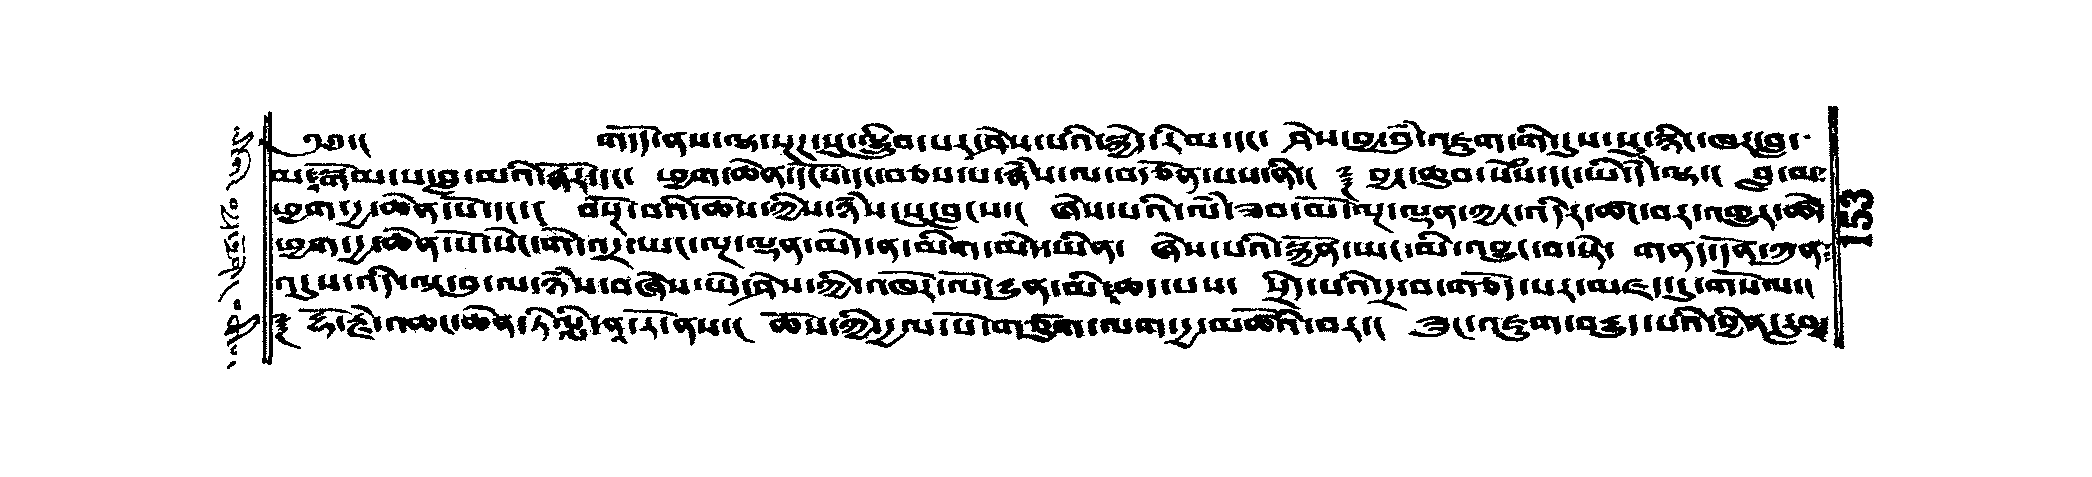གདོད་ནས་ལྷ་སྔགས་སུ་ལྷུན་གྱི་གྲུབ་པར་ཤེས་པའི་བསྐྱེད་རིམ་དང་། ཤེས་བྱ་བུམ་འཇུག་གི་དུས་སུ་སྙིང་ཁར་བླ་
མ་བསྒོམ་པ་བླ་མའི་རྣལ་འབྱོར་དང་། ཕྱག་ཆེན་དངོས་དང་བཅས་པ་རྣམས་ལ་བརྩོན་པས་ནི། བྱང་ཆུབ་སེམས་དང་ཡིད་དམ་ལྷ། །བླ་མ་
ཕྱག་རྒྱ་ཆེན་པོ་དང་། །བསྔོ་བའི་ཆོས་ཀྱི་ཉམས་སུ་བླངས། ཞེས་པའི་ལམ་ཟབ་མོ་ལྔ་ལྡན་ཀྱང་འདིར་ཚང་བར་འགྱུར་ཚེ། 
ཕྱག་རྒྱ་ཆེན་པོ་སེངྒེ་འདྲ་ཡང་ལྔ་ལྡན་མེད་ན་མིག་མེད་ཡིན། ཞེས་པའི་སྐྱོན་ཡང་མི་འབྱུང་བ་སྟེ། གནད་དོན་ཀུན་
འདུས་འདི་ལྟ་བུ་ལ་ཉམས་བཞེས་ཡེ་ཤེས་ཀྱི་འཁོར་ལོ་རྒྱུན་མི་འཆད་པས། སྲིད་པའི་དྲྭ་བ་གཅོད་པར་མཛད་དུ་གསོལ། 
རྡོ་རྗེ་འཆང་ཆེན་ཏེལློ་ནཱ་རོ་ནས། །ཆོས་ཀྱི་རྒྱལ་པོ་གཙུག་ལག་རྒྱ་མཚོའི་བར། །ཟུང་འཇུག་བརྒྱུད་པའི་བྱིན་རླབས་